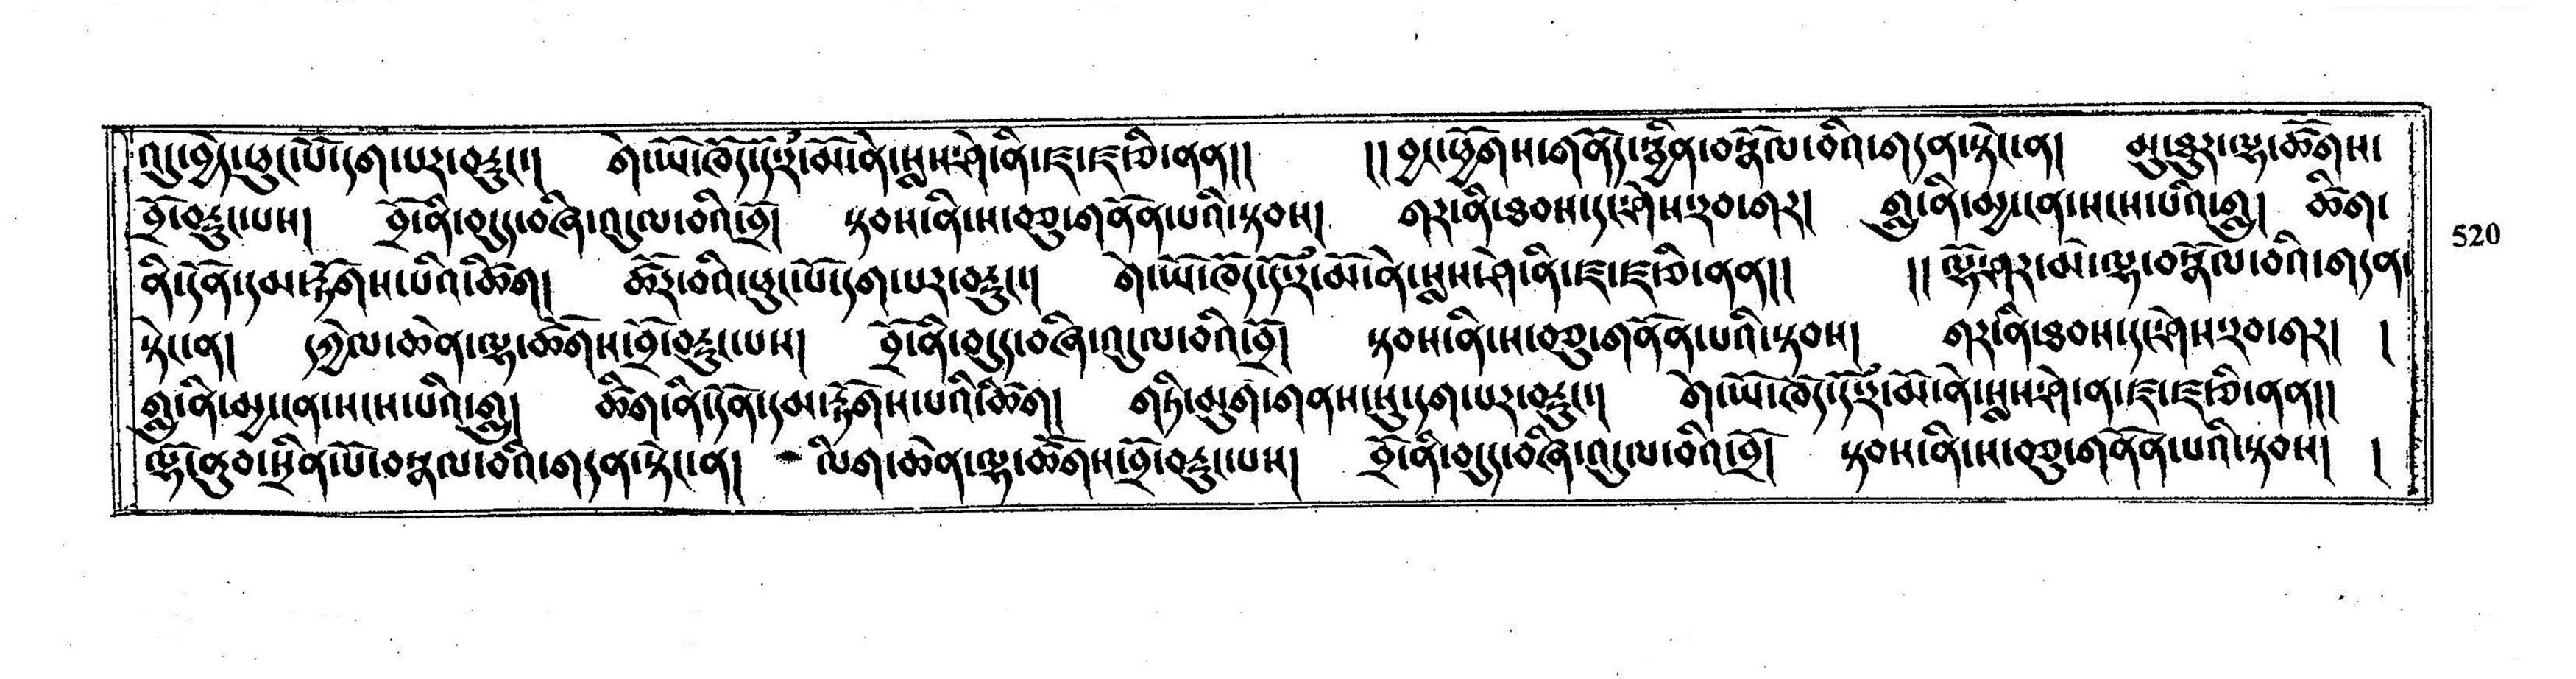འདུ་བྱེད་ཕུང་པོ་དག་པར་བརྡུང་། གེ་ཡོ་ཁོད་དོ་རཾ་མོ་ནེ་སླས་ཤེ་ནི་ཛ་ཛ་ཅི་ནན།། །།བྱང་ཕྱོགས་གནོད་སྦྱིན་བསྣོལ་བའི་གདན་སྟེང་ན། མུ་ཐུར་ལྷ་ཚོགས་
བྲོ་བརྡུང་པས། བྲོ་ནི་བདུད་བཞི་འདུལ་བའི་བྲོ། སྟབས་ནི་ས་བཅུ་གནོན་པའི་སྟབས། གར་ནི་ཐབས་དང་ཤེས་རབ་གར། གླུ་ནི་མྱ་ངན་སངས་པའི་གླུ། ཚིག་
ནི་དོན་དམ་རྟོགས་པའི་ཚིག ཚོར་བའི་ཕུང་པོ་དག་པར་བརྡུང་། གེ་ཡོ་ཁོད་དོ་རཾ་མོ་ནེ་སླས་ཤེ་ནི་ཛ་ཛ་ཅི་ནན།། །།ལྷོ་ཤར་མེ་ལྷ་བསྣོལ་བའི་གདན་
སྟེང་ན། དཀྱེལ་ཆེན་ལྷ་ཚོགས་བྲོ་བརྡུང་པས། བྲོ་ནི་བདུད་བཞི་འདུལ་བའི་བྲོ། སྟབས་ནི་ས་བཅུ་གནོན་པའི་{536}སྟབས། གར་ནི་ཐབས་དང་ཤེས་རབ་གར། 
གླུ་ནི་མྱ་ངན་སངས་པའི་གླུ། ཚིག་ནི་དོན་དམ་རྟོགས་པའི་ཚིག གཏི་མུག་གནས་སུ་དག་པར་བརྡུང་། གེ་ཡོ་ཁོད་དོ་རཾ་མོ་ནེ་སླས་ཤེ་ན་ཛ་ཛ་ཅི་ནན།། །།
ལྷོ་ནུབ་སྲིན་པོ་བསྣོལ་བའི་གདན་སྟེང་ན། ལིག་ཆེན་ལྷ་ཚོགས་བྲོ་བརྡུང་པས། བྲོ་ནི་བདུད་བཞི་འདུལ་བའི་བྲོ། སྟབས་ནི་ས་བཅུ་གནོན་པའི་སྟབས།